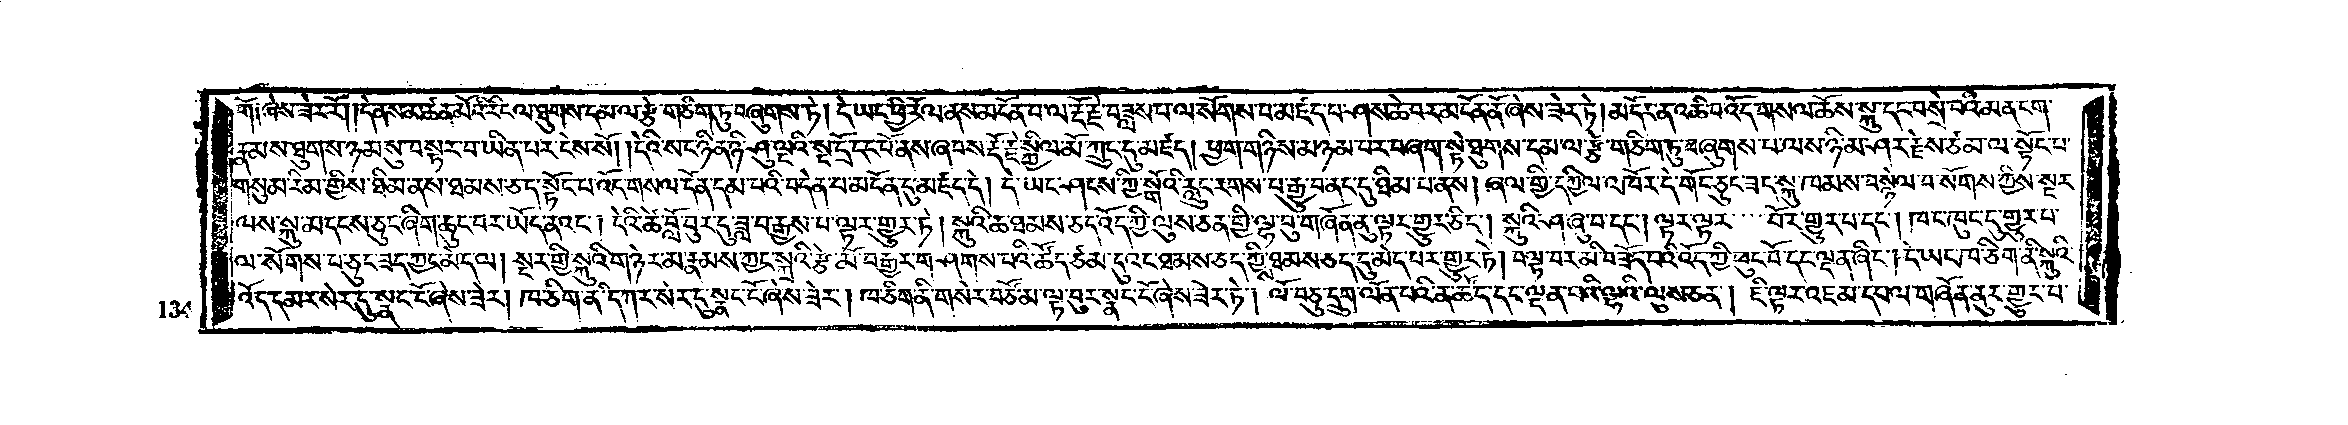གོ༑ ཞེས་ཟེར་རོ། །དེ་ནས་མཚན་མོའི་རིང་ལ་ཐུགས་དམ་ལ་རྩེ་གཅིག་ཏུ་བཞུགས་ཏེ། དེ་ཡང་ཕྱི་རོལ་ནས་མངོན་པ་ལ་རྡོ་རྗེ་བཟླས་པ་ལ་སོགས་པ་མཛད་པ་ཤས་ཆེ་བར་མངོན་ནོ་ཞེས་ཟེར་ཏེ། མདོར་ན་འཆི་བ་འོད་གསལ་ཆོས་སྐུ་དང་བསྲེ་བའི་མན་ངག་
རྣམས་ཐུགས་ཉམས་སུ་བསྟར་བ་ཡིན་པར་ངེས་སོ། །དེའི་སང་ཉིན་ཉི་ཤུ་ལྔའི་སྔ་དྲོ་དང་པོ་ནས་ཞབས་རྡོ་རྗེ་སྐྱིལ་མོ་ཀྲུང་དུ་མཛད། ཕྱག་གཉིས་མཉམ་པར་བཞག་སྟེ་ཐུགས་དམ་ལ་རྩེ་གཅིག་ཏུ་བཞུགས་པ་ལས་ཉི་མ་ཤར་རྗེས་ཙམ་ལ་སྟོང་པ་
གསུམ་རིམ་གྱིས་ཐིམ་ནས་ཐམས་ཅད་སྟོང་པ་འདོ་གསལ་དོན་དམ་པའི་བདེན་པ་མངོན་དུ་མཛད་དེ། དེ་ཡང་ཤངས་ཀྱི་སྒོའི་རླུང་རགས་པ་རྒྱུ་བ་ནང་དུ་ཐིམ་པ་ནས། ཞལ་གྱི་དཀྱིལ་འཁོར་དེ་གོང་ཅུང་ཟད་སྐུ་ཁམས་བསྙེལ་བ་སོགས་ཀྱིས་སྔར་
ལས་སྐུ་མ་དང་ས་ཅུང་ཞིག་ཆུང་བར་ཡོད་ནའང་། དེའི་ཚེ་བློ་བུར་དུ་ཟླ་བ་རྒྱས་པ་ལྟར་གྱུར་ཏེ། སྐུའི་ཆ་ཐམས་ཅད་འོད་ཀྱི་ལུས་ཅན་གྱི་ལྷ་བུ་གཞོན་ནུ་ལྟར་གྱུར་ཅིང་། སྐུའི་ཤ་ཞུ་བ་དང་། ལྟར་ལྟར་བོར་གྱུར་པ་དང་། ཁང་ཁུང་དུ་གྱུར་པ་
ལ་སོགས་པ་ཅུང་ཟད་ཀྱང་མེད་ལ། སྔར་གྱི་སྐུའི་གཉེར་མ་རྣམས་ཀྱང་སྐྲའི་རྩེ་མོ་བརྒྱར་གཤེགས་པའི་ཚོད་ཙམ་དུའང་ཐམས་ཅད་ཀྱིས་ཐམས་ཅད་དུ་མེད་པར་གྱུར་ཏེ། བལྟ་བར་མི་བཟོད་པའི་འོད་ཀྱི་ཕུང་པོ་དང་ལྡན་ཞིང་། དེ་ཡང་ཁ་ཅིག་ནི་སྐུའི་
འོད་དམར་སེར་དུ་སྣང་ངོ་ཞེས་ཟེར། ཁ་ཅིག་ནི་དཀར་སེར་དུ་སྣང་ངོ་ཞེས་ཟེར། ཁ་ཅིག་ནི་གསེར་བཙོ་མ་ལྟ་བུར་སྣང་ངོ་ཞེས་ཟེར་ཏེ། ལོ་བཅུ་དྲུག་ལོན་པའི་ན་ཚོད་དང་ལྡན་པའི་ལྷའི་ལུས་ཅན། ཇི་ལྟར་འཇམ་དཔལ་གཞོན་ནུར་གྱུར་པ་